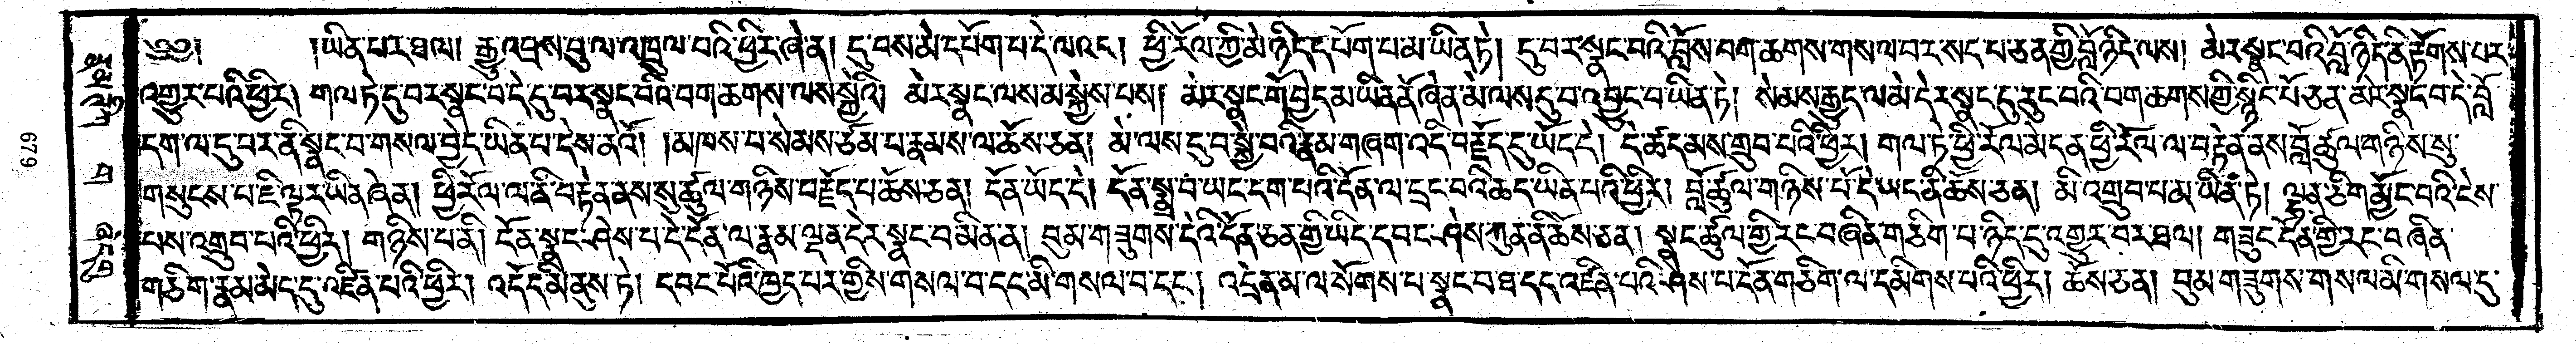༄༅། །ཡིན་པར་ཐལ། རྒྱུ་འབྲས་བུ་ལ་འཁྲུལ་བའི་ཕྱིར་ཞེ་ན། དུ་བས་མེ་དཔོག་པ་དེ་ལའང་། ཕྱི་རོལ་ཀྱི་མེ་ཉིད་དཔོག་པ་མ་ཡིན་ཏེ། དུ་བར་སྣང་བའི་བློས་བག་ཆགས་གསལ་བར་སང་པ་ཅན་གྱི་བློ་ཉིད་ལས། མེར་སྣང་བའི་བློ་ཉིད་ནི་རྟོགས་པར་
འགྱུར་པའི་ཕྱིར། གལ་ཏེ་དུ་བར་སྣང་བ་དེ་དུ་བར་སྣང་བའི་བག་ཆགས་ལས་སྐྱེའི། མེར་སྣང་ལས་མ་སྐྱེས་པས། མེར་སྣང་གོ་བྱེད་མ་ཡིན་ནོ་ཞེ་ན་མེ་ལས་དུ་བ་འབྱུང་བ་ཡིན་ཏེ། སེམས་རྒྱུད་ལ་མེ་དེར་སྣང་དུ་རུང་བའི་བག་ཆགས་གྱི་སྙིང་པོ་ཅན་མེར་སྣང་བ་དེ་བློ་
དག་ལ་དུ་བར་ནི་སྣང་བ་གསལ་བྱེད་ཡིན་པ་དེས་ནའོ། །མཁས་པ་སེམས་ཙམ་པ་རྣམས་ལ་ཆོས་ཅན། མེ་ལས་དུ་བ་སྐྱེ་བའི་རྣམ་གཞག་འདི་བརྗོད་དུ་ཡོད་དེ། དེ་ཚད་མས་གྲུབ་པའི་ཕྱིར། གལ་ཏེ་ཕྱི་རོལ་མེད་ན་ཕྱི་རོལ་ལ་བརྟེན་ནས་བློ་ཚུལ་གཉིས་སུ་
གསུངས་པ་ཇི་ལྟར་ཡིན་ཞེ་ན། ཕྱི་རོལ་ལ་ནི་བརྟེན་ནས་སུ་ཚུལ་གཉིས་བརྗོད་པ་ཆོས་ཅན། དོན་ཡོད་དེ། དོན་སྨྲ་བ་ཡང་དག་པའི་དོན་ལ་དྲང་བའི་ཆད་ཡིན་པའི་ཕྱིར། བློ་ཚུལ་གཉིས་པོ་དེ་ཡང་ནི་ཆོས་ཅན། མི་འགྲུབ་པ་མ་ཡིན་ཏེ། ལྷན་ཅིག་མྱོང་བའི་ངེས་
པས་འགྲུབ་པའི་ཕྱིར། གཉིས་པ་ནི། དོན་སྣང་ཤེས་པ་དེ་དོན་ལ་རྣམ་ལྡན་དེར་སྣང་བ་མིན་ན། བུམ་གཟུགས་དེའི་དོན་ཅན་གྱི་ཡིད་དབང་ཤེས་ཀུན་ནི་ཆོས་ཅན། སྣང་ཚུལ་གྱི་རང་བཞིན་གཅིག་པ་ཉིད་དུ་འགྱུར་བར་ཐལ། གཟུང་དོན་གྱི་རང་བཞིན་
གཅིག་རྣམ་མེད་དུ་འཛིན་པའི་ཕྱིར། འདོད་མི་ནུས་ཏེ། དབང་པོའི་ཁྱད་པར་གྱིས་གསལ་བ་དང་མི་གསལ་བ་དང་། འདྲེན་མ་ལ་སོགས་པ་སྣང་བ་ཐ་དད་འཛིན་པའི་ཤེས་པ་དོན་གཅིག་ལ་དམིགས་པའི་ཕྱིར། ཆོས་ཅན། བུམ་གཟུགས་གསལ་མི་གསལ་དུ་